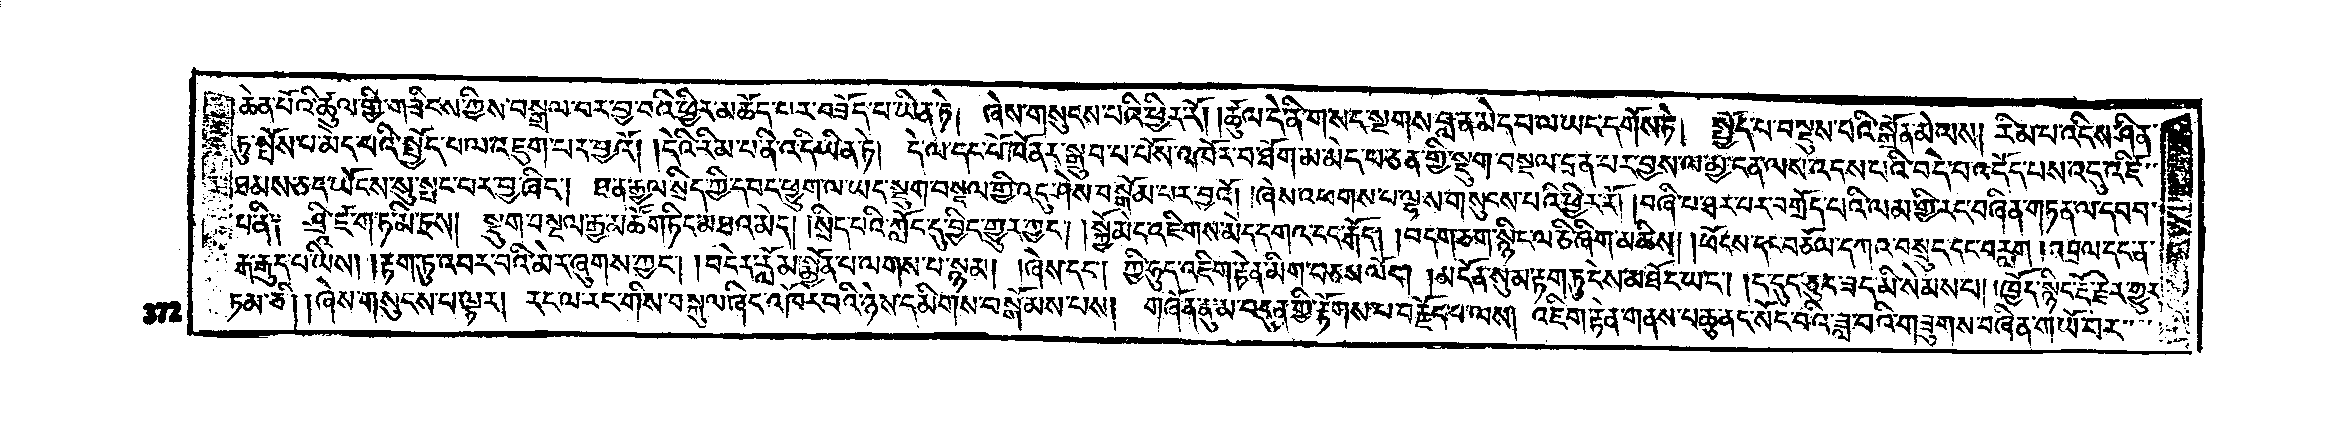ཆེན་པོའི་ཚུལ་གྱི་གཟིངས་ཀྱིས་བསྒྲལ་བར་བྱ་བའི་ཕྱིར་མཆོད་པར་བཟོད་པ་ཡིན་ཏེ། ཞེས་གསུངས་པའི་ཕྱིར་རོ། །ཚུལ་དེ་ནི་གསང་སྔགས་བླ་ན་མེད་པ་ལ་ཡང་དགོས་ཏེ། སྤྱོད་པ་བསྡུས་པའི་སྒོན་མེ་ལས། རིམ་པ་འདིས་ཤིན་
ཏུ་སྤྲོས་པ་མེད་པའི་སྤྱོད་པ་ལ་འཇུག་པར་བྱའོ། །དེའི་རིམ་པ་ནི་འདི་ཡིན་ཏེ། དེ་ལ་དང་པོ་ཁོ་ནར་སྒྲུབ་པ་པོས་འཁོར་བ་ཐོག་མ་མེད་པ་ཅན་གྱི་སྡུག་བསྔལ་དྲན་པར་བྱས་ལ་མྱ་ངན་ལས་འདས་པའི་བདེ་བ་འདོད་པས་འདུ་འཛི་
ཐམས་ཅད་ཡོངས་སུ་སྤང་བར་བྱ་ཞིང་། ཐ་ན་རྒྱལ་སྲིད་ཀྱི་དབང་ཕྱུག་ལ་ཡང་སྡུག་བསྔལ་གྱི་འདུ་ཤེས་བསྒོམ་པར་བྱའོ། །ཞེས་འཕགས་པ་ལྷས་གསུངས་པའི་ཕྱིར་རོ། །བཞི་པ་ཐར་པར་བགྲོད་པའི་ལམ་གྱི་རང་བཞིན་གཏན་ལ་དབབ་
པ་ནི༑ ཤྲཱི་ཛ་ག་ཏ་མི་ཏྲས། སྡུག་བསྔལ་རྒྱ་མཚོ་གཏིང་མཐའ་མེད། །སྲིད་པའི་ཀློང་དུ་བྱིང་གྱུར་ཀྱང་། །སྐྱོད་མེད་འཇིགས་མེད་དགའ་དང་རྒོད། །བདག་ཅག་སྙིང་ལ་ཅི་ཞིག་མཆིས། །ཕོངས་དང་བཙལ་དཀའ་བསྲུང་དང་བརླག །འབྲལ་དང་ན་
རྒ་རྒུད་པ་ཡིས། །རྟག་ཏུ་འབར་བའི་མེར་ཞུགས་ཀྱང་། །བདེར་རློམ་སྨྱོན་པ་ལགས་པ་སྙམ། །ཞེས་དང་། ཀྱི་ཧུད་འཇིག་རྟེན་མིག་བཅས་ལོང་། །མངོན་སུམ་རྟག་ཏུ་ངེས་མཐོང་ཡང་། །ད་དུང་ཅུང་ཟད་མི་སེམས་པ། །ཁྱོད་སྙིང་རྡོ་རྗེར་གྱུར་
ཏམ་ཅི། །ཞེས་གསུངས་པ་ལྟར། རང་ལ་རང་གིས་བསྐུལ་ཞིང་འཁོར་བའི་ཉེས་དམིགས་བསྒོམས་པས། གཞོན་ནུ་མ་བདུན་གྱི་རྟོགས་པ་བརྗོད་པ་ལས། འཇིག་རྟེན་གནས་པ་ཆུ་ནང་སོང་བའི་ཟླ་བའི་གཟུགས་བཞིན་གཡོ་བར་